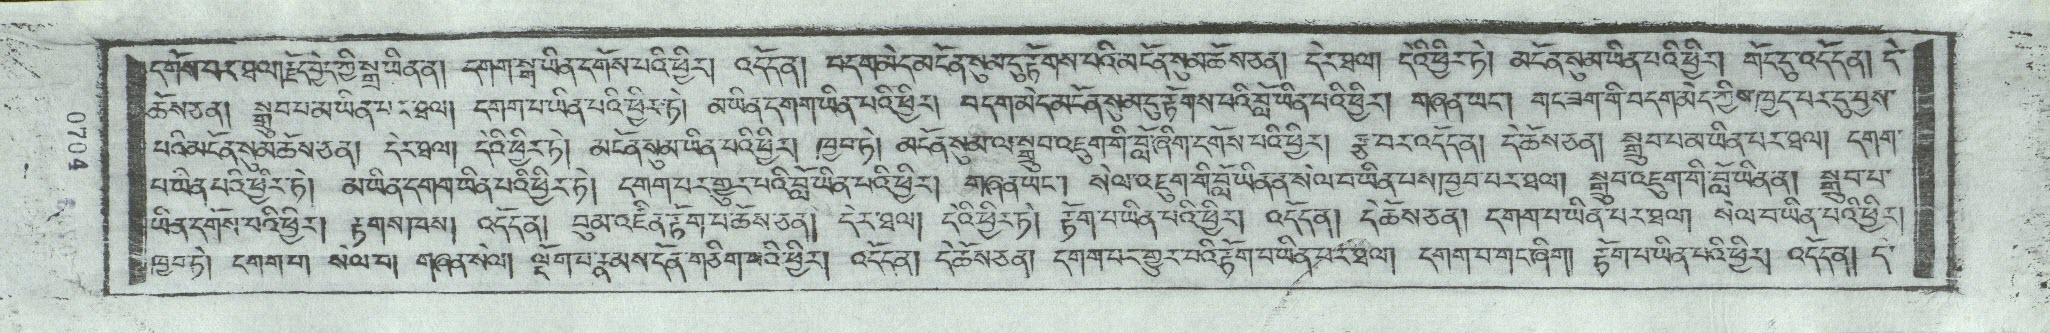དགོས་པར་ཐལ། རྗོད་བྱེད་ཀྱི་སྒྲ་ཡིན་ན། དགག་སྒྲ་ཡིན་དགོས་པའི་ཕྱིར། འདོད་ན། བདག་མེད་མངོན་སུམ་དུ་རྟོགས་པའི་མངོན་སུམ་ཆོས་ཅན། དེར་ཐལ། དེའི་ཕྱིར་ཏེ། མངོན་སུམ་ཡིན་པའི་ཕྱིར། གོང་དུ་འདོད་ན། དེ་
ཆོས་ཅན། སྒྲུབ་པ་མ་ཡིན་པར་ཐལ། དགག་པ་ཡིན་པའི་ཕྱིར་ཏེ། མ་ཡིན་དགག་ཡིན་པའི་ཕྱིར། བདག་མེད་མངོན་སུམ་དུ་རྟོགས་པའི་བློ་ཡིན་པའི་ཕྱིར། གཞན་ཡང་། གང་ཟག་གི་བདག་མེད་ཀྱིས་ཁྱད་པར་དུ་བྱས་
པའི་མངོན་སུམ་ཆོས་ཅན། དེར་ཐལ། དེའི་ཕྱིར་ཏེ། མངོན་སུམ་ཡིན་པའི་ཕྱིར། ཁྱབ་ཏེ། མངོན་སུམ་ལ་སྒྲུབ་འཇུག་གི་བློ་ཞིག་དགོས་པའི་ཕྱིར། རྩ་བར་འདོད་ན། དེ་ཆོས་ཅན། སྒྲུབ་པ་མ་ཡིན་པར་ཐལ། དགག་
པ་ཡིན་པའི་ཕྱིར་ཏེ། མ་ཡིན་དགག་ཡིན་པའི་ཕྱིར་ཏེ། དགག་པར་གྱུར་པའི་བློ་ཡིན་པའི་ཕྱིར། གཞན་ཡང་། སེལ་འཇུག་གི་བློ་ཡིན་ན་སེལ་བ་ཡིན་པས་ཁྱབ་པར་ཐལ། སྒྲུབ་འཇུག་གི་བློ་ཡིན་ན། སྒྲུབ་པ་
ཡིན་དགོས་པའི་ཕྱིར། རྟགས་ཁས། འདོད་ན། བུམ་འཛིན་རྟོག་པ་ཆོས་ཅན། དེར་ཐལ། དེའི་ཕྱིར་ཏེ། རྟོག་པ་ཡིན་པའི་ཕྱིར། འདོད་ན། དེ་ཆོས་ཅན། དགག་པ་ཡིན་པར་ཐལ། སེལ་བ་ཡིན་པའི་ཕྱིར།
ཁྱབ་ཏེ། དགག་པ། སེལ་བ། གཞན་སེལ། ལྡོག་པ་རྣམས་དོན་གཅིག་པའི་ཕྱིར། འདོད་ན། དེ་ཆོས་ཅན། དགག་པར་གྱུར་པའི་རྟོག་པ་ཡིན་པར་ཐལ། དགག་པ་གང་ཞིག། རྟོག་པ་ཡིན་པའི་ཕྱིར། འདོད་ན། དེ་